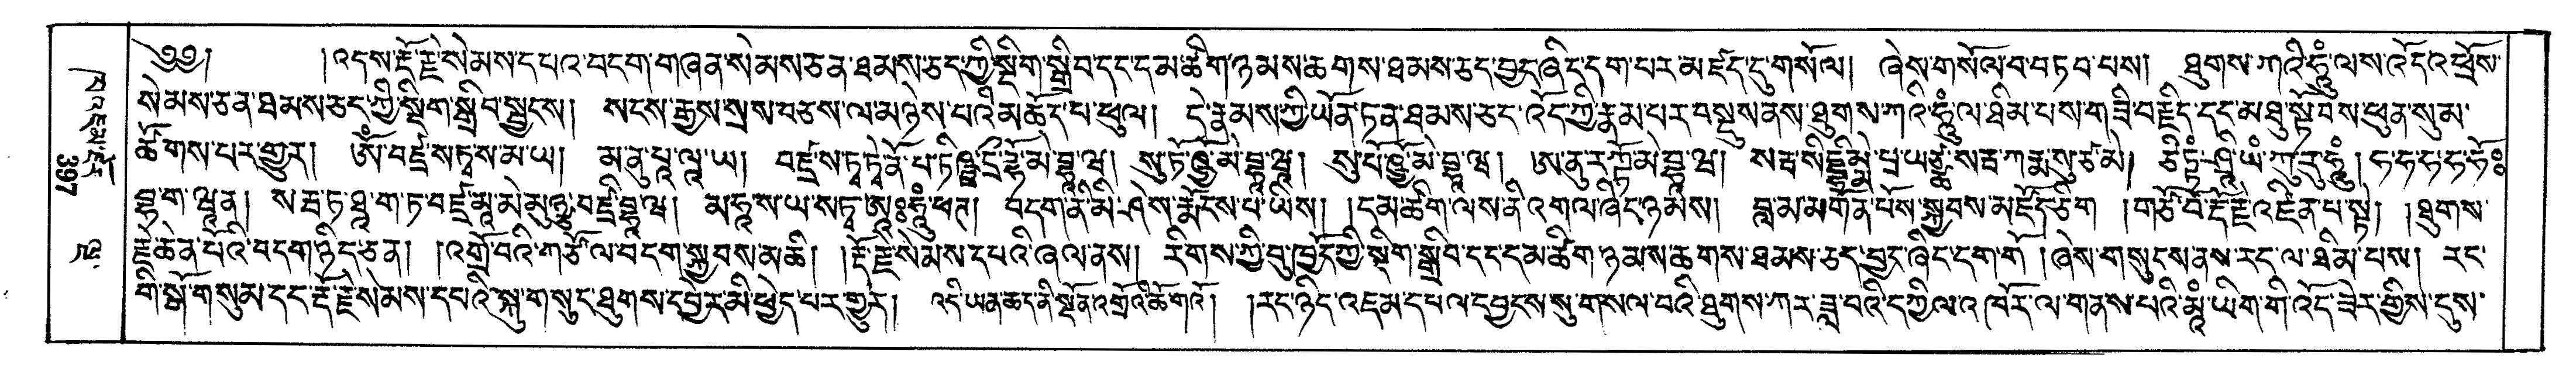༄༅། །འདས་རྡོ་རྗེ་སེམས་དཔའ་བདག་གཞན་སེམས་ཅན་ཐམས་ཅད་ཀྱི་སྡིག་སྒྲིབ་དང་དམ་ཚིག་ཉམས་ཆགས་ཐམས་ཅད་བྱང་ཞིང་དག་པར་མཛད་དུ་གསོལ། ཞེས་གསོལ་བ་བཏབ་པས། ཐུགས་ཀའི་ཧཱུཾ་ལས་འོད་འཕྲོས་
སེམས་ཅན་ཐམས་ཅད་ཀྱི་སྡིག་སྒྲིབ་སྦྱངས། སངས་རྒྱས་སྲས་བཅས་ལ་མཉེས་པའི་མཆོད་པ་ཕུལ། དེ་རྣམས་ཀྱི་ཡོན་ཏན་ཐམས་ཅད་འོད་ཀྱི་རྣམ་པར་བསྡུས་ནས་ཐུགས་ཀའི་ཧཱུཾ་ལ་ཐིམ་པས་གཟི་བརྗིད་དང་མཐུ་སྟོབས་ཕུན་སུམ་
ཚོགས་པར་གྱུར། ཨོཾ་བཛྲ་སཏྭ་ས་མ་ཡ། མ་ནུ་པཱ་ལཱ་ཡ། བཛྲ་ས་ཏྭ་ཏྭེ་ནོ་པ་ཏི་ཥཊཿཨ་དྲྀ་ཌྷོམེ་བྷཱ་ཝ། སུ་ཏོ་ཥྱོ་མེ་བྷཱ་ཝ། སུ་པོ་ཥྱོ་མེ་བྷཱ་ཝ། ཨ་ནུ་རཀྟོ་མེ་བྷཱ་ཝ། སརྦ་སིདྡྷི་མྨེ་པྲ་ཡ་ཙྪ་སརྦ་ཀརྨ་སུ་ཙ་མེ། ཅི་ཏྟཾ་ཤྲཱི་ཡཾ་ཀུ་རུ་ཧཱུཾ། ཧ་ཧ་ཧ་ཧ་ཧོཿ
བྷ་ག་ཝཱ་ན། སརྦ་ཏ་ཐཱ་ག་ཏ་བཛྲ་མཱ་མེ་མུ་ཉྩ་བཛྲི་བྷཱ་ཝ། མ་ཧཱ་ས་ཡྨ་སཏྭ་ཨཱཿ ཧཱུཾ་ཕཊ། བདག་ནི་མི་ཤེས་རྨོངས་པ་ཡིས། །དམ་ཚིག་ལས་ནི་འགལ་ཞིང་ཉམས། བླ་མ་མགོན་པོས་སྐྱབས་མཛོད་ཅིག །གཙོ་བོ་རྡོ་རྗེ་འཛིན་པ་སྟེ། །ཐུགས་
རྗེ་ཆེན་པོའི་བདག་ཉིད་ཅན། །འགྲོ་བའི་གཙོ་ལ་བདག་སྐྱབས་མཆི། །རྡོ་རྗེ་སེམས་དཔའི་ཞལ་ནས། རིགས་ཀྱི་བུ་ཁྱོད་ཀྱི་སྡིག་སྒྲིབ་དང་དམ་ཚིག་ཉམས་ཆགས་ཐམས་ཅད་བྱང་ཞིང་དག་གོ། །ཞེས་གསུངས་ནས་རང་ལ་ཐིམ་པས། རང་
གི་སྒོ་གསུམ་དང་རྡོ་རྗེ་སེམས་དཔའི་སྐུ་གསུང་ཐུགས་དབྱེར་མི་ཕྱེད་པར་གྱུར། འདི་ཡན་ཆད་ནི་སྔོན་འགྲོའི་ཆོ་གའོ། །རང་ཉིད་འཇམ་དཔལ་དབྱངས་སུ་གསལ་བའི་ཐུགས་ཀར་ཟླ་བའི་དཀྱིལ་འཁོར་ལ་གནས་པའི་མཱཾ་ཡིག་གི་འོད་ཟེར་གྱིས་དུས་